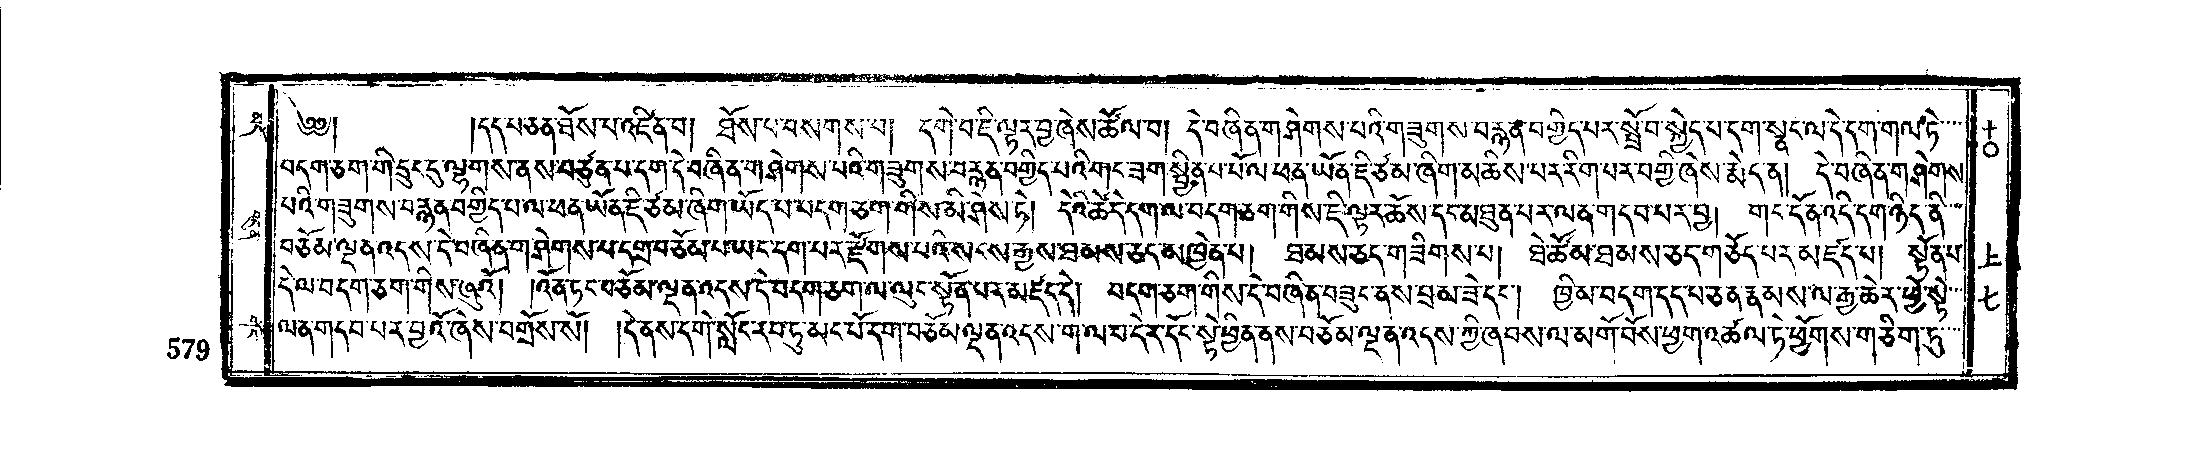༄༅། །དད་པ་ཅན་ཐོས་པ་འཛིན་པ། ཐོས་པ་བསགས་པ། དགེ་བ་ཇི་ལྟར་བྱ་ཞེས་ཚོལ་བ། དེ་བཞིན་གཤེགས་པའི་གཟུགས་བརྙན་བགྱིད་པར་སྤྲོ་བ་སྐྱེད་པ་དག་སྣང་ལ་དེ་དག་གལ་ཏེ་
བདག་ཅག་གི་དྲུང་དུ་ལྷགས་ནས་བཙུན་པ་དག་དེ་བཞིན་གཤེགས་པའི་གཟུགས་བརྙན་བགྱིད་པའི་གང་ཟག་སྦྱིན་པ་པོ་ལ་ཕན་ཡོན་ཇི་ཙམ་ཞིག་མཆིས་པར་རིག་པར་བགྱི་ཞེས་རྨེད་ན། དེ་བཞིན་གཤེགས་
པའི་གཟུགས་བརྙན་བགྱིད་པ་ལ་ཕན་ཡོན་ཇི་ཙམ་ཞིག་ཡོད་པ་བདག་ཅག་གིས་མི་ཤེས་ཏེ། དེའི་ཚེ་དེ་དག་ལ་བདག་ཅག་གིས་ཇི་ལྟར་ཆོས་དང་མཐུན་པར་ལན་གདབ་པར་བྱ། གང་དོན་འདི་དག་ཉིད་ནི་
བཅོམ་ལྡན་འདས་དེ་བཞིན་གཤེགས་པ་དགྲ་བཅོམ་པ་ཡང་དག་པར་རྫོགས་པའི་སངས་རྒྱས་ཐམས་ཅད་མཁྱེན་པ། ཐམས་ཅད་གཟིགས་པ། ཐེ་ཚོམ་ཐམས་ཅད་གཅོད་པར་མཛད་པ། སྟོན་པ་
དེ་ལ་བདག་ཅག་གིས་ཞུའོ། །འོན་ཏང་བཅོམ་ལྡན་འདས་དེ་བདག་ཅག་ལ་ལུང་སྟོན་པར་མཛད་དེ། བདག་ཅག་གིས་དེ་བཞིན་བཟུང་ནས་བྲམ་ཟེ་དང་། ཁྱིམ་བདག་དད་པ་ཅན་རྣམས་ལ་རྒྱ་ཆེར་ཕྱེ་སྟེ་
ལན་གདབ་པར་བྱའོ་ཞེས་བགྲོས་སོ། །དེ་ནས་དགེ་སློང་རབ་ཏུ་མང་པོ་དག་བཅོམ་ལྡན་འདས་ག་ལ་བ་དེར་དོང་སྟེ་ཕྱིན་ནས་བཅོམ་ལྡན་འདས་ཀྱི་ཞབས་ལ་མགོ་བོས་ཕྱག་འཚལ་ཏེ་ཕྱོགས་གཅིག་ཏུ་